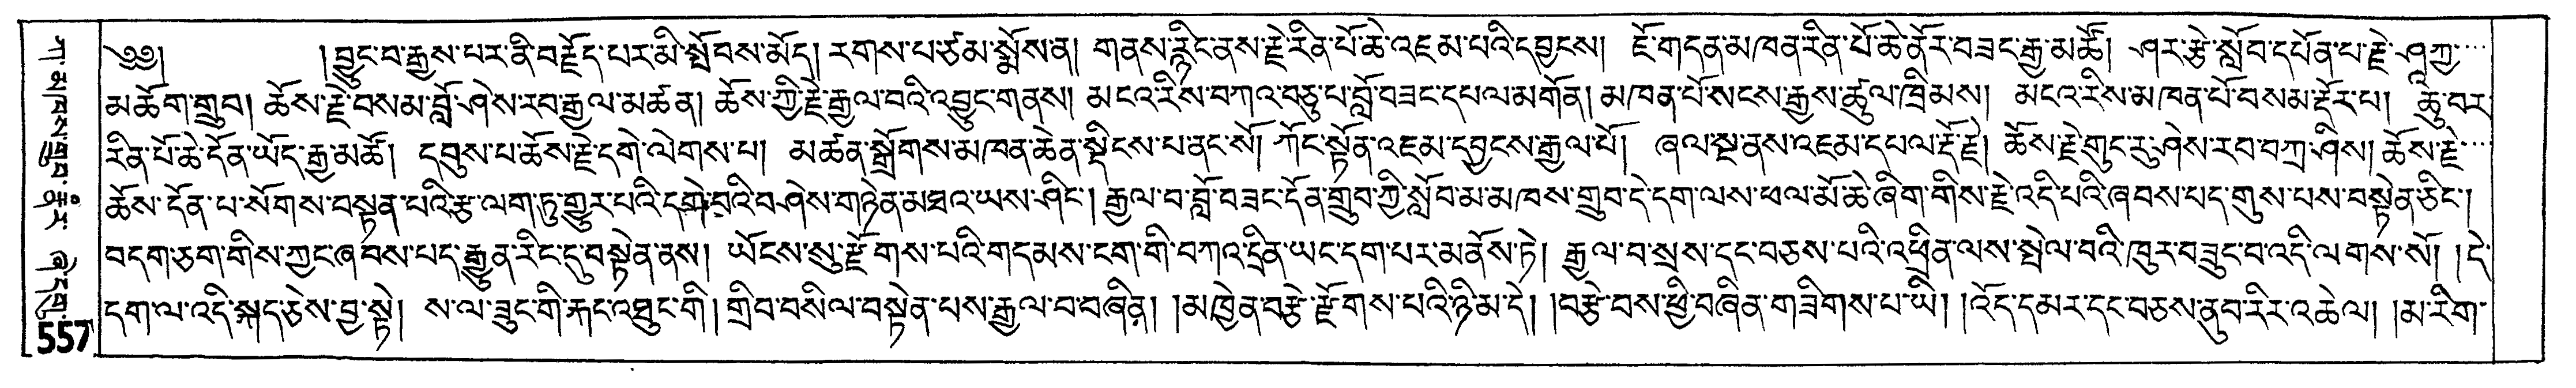༄༅། །བྱུང་བ་རྒྱས་པར་ནི་བརྗོད་པར་མི་སྤོབས་མོད། རགས་པ་ཙམ་སྨོས་ན། གནས་རྙིང་ནས་རྗེ་རིན་པོ་ཆེ་འཇམ་པའི་དབྱངས། ཇོ་གདན་མཁན་རིན་པོ་ཆེ་ནོར་བཟང་རྒྱ་མཚོ། ཤར་རྩེ་སློབ་དཔོན་པ་རྗེ་ཤཱཀྱ་
མཆོག་གྲུབ། ཆོས་རྗེ་བསམ་བློ་ཤེས་རབ་རྒྱལ་མཚན། ཆོས་ཀྱི་རྗེ་རྒྱལ་བའི་འབྱུང་གནས། མངའ་རིས་བཀའ་བཅུ་པ་བློ་བཟང་དཔལ་མགོན། མཁན་པོ་སངས་རྒྱས་ཚུལ་ཁྲིམས། མངའ་རིས་མཁན་པོ་བསམ་རྡོར་པ། ཆུ་བར་
རིན་པོ་ཆེ་དོན་ཡོད་རྒྱ་མཚོ། དབུས་པ་ཆོས་རྗེ་དགེ་ལེགས་པ། མཚན་སྒྲོགས་མཁན་ཆེན་སྡིངས་པ་ནང་སོ། ཀོང་སྟོན་འཇམ་དབྱངས་རྒྱལ་པོ། ཞལ་སྔ་ནས་འཇམ་དཔལ་རྡོ་རྗེ། ཆོས་རྗེ་གུང་རུ་ཤེས་རབ་བཀྲ་ཤིས། ཆོས་རྗེ་
ཆོས་དོན་པ་སོགས་བསྟན་པའི་རྩ་ལག་ཏུ་གྱུར་པའི་དགེ་བའི་བཤེས་གཉེན་མཐའ་ཡས་ཤིང་།རྒྱལ་བ་བློ་བཟང་དོན་གྲུབ་ཀྱི་སློབ་མ་མཁས་གྲུབ་དེ་དག་ལས་ཕལ་མོ་ཆེ་ཞིག་གིས་རྗེ་འདི་པའི་ཞབས་པད་གུས་པས་བསྟེན་ཅིང་།
བདག་ཅག་གིས་ཀྱང་ཞབས་པད་རྒྱུན་རིང་དུ་བསྟེན་ནས། ཡོངས་སུ་རྫོགས་པའི་གདམས་ངག་གི་བཀའ་དྲིན་ཡང་དག་པར་མནོས་ཏེ། རྒྱལ་བ་སྲས་དང་བཅས་པའི་འཕྲིན་ལས་སྤེལ་བའི་ཁུར་བཟུང་བ་འདི་ལགས་སོ། །དེ་
དག་ལ་འདི་སྐད་ཅེས་བྱ་སྟེ། ས་ལ་ཟུང་གི་རྐང་འཐུང་གི །གྲིབ་བསིལ་བསྟེན་པས་རྒྱལ་བ་བཞིན། །མཁྱེན་བརྩེ་རྫོགས་པའི་ཉི་མ་དེ། །བརྩེ་བས་ཕྱི་བཞིན་གཟིགས་པ་ཡི། །འོད་དམར་དང་བཅས་ནུབ་རིར་འཆེལ། །མ་རིག་